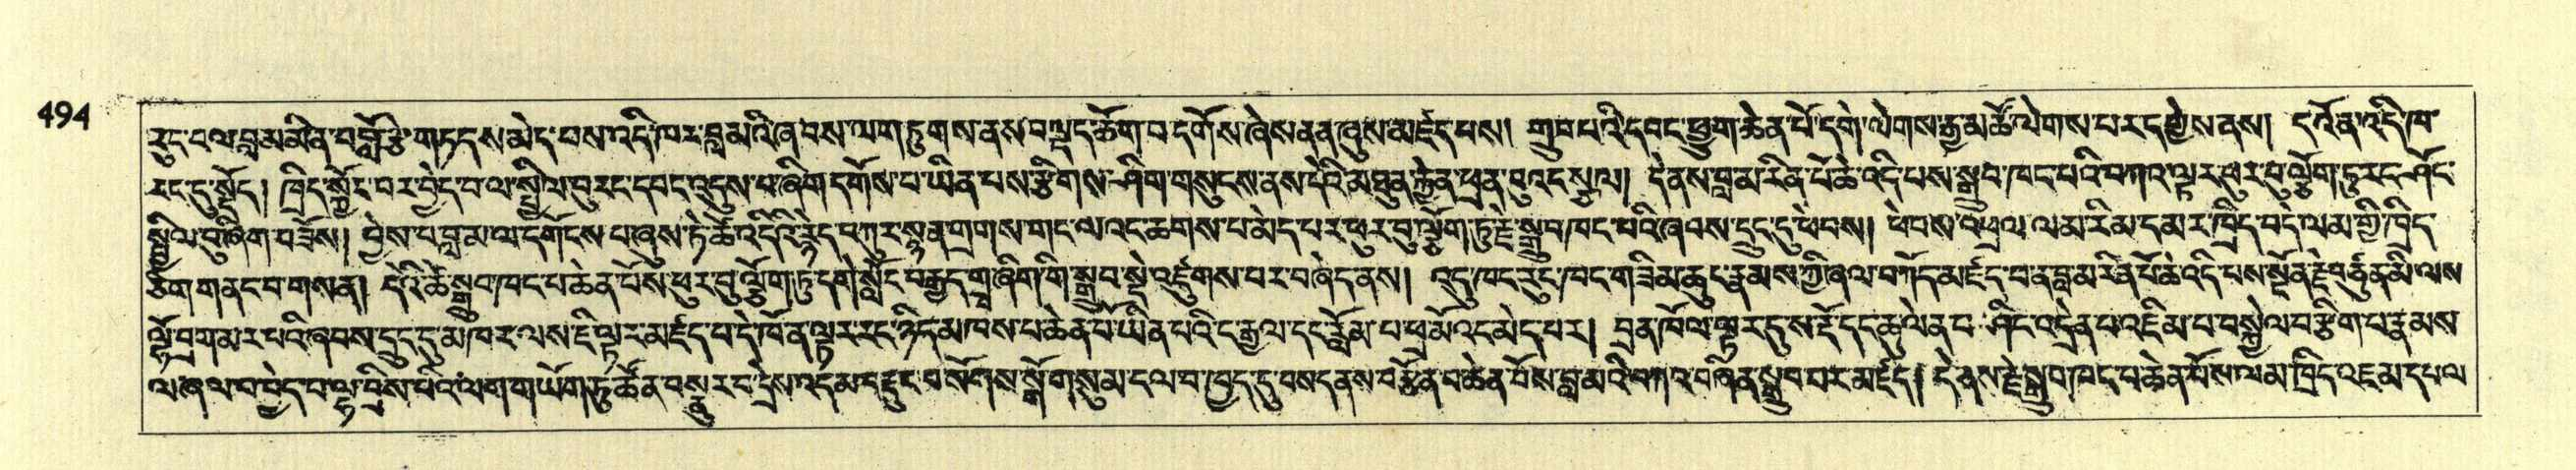རུང་བ་ལ་བླ་མ་མིན་བ་བློ་རྩེ་གཏད་ས་མེད་པས་འདི་ཁར་བླ་མའི་ཞབས་ལ་གཏུགས་ནས་བླད་ཆོག་བ་དགོས་ཞེས་ནན་ཞུས་མཛད་པས། གྲུབ་པའི་དབང་ཕྱུག་ཆེན་པོ་དགེ་ལེགས་རྒྱ་མཚོ་ལེགས་པར་དགྱེས་ནས། ད་འོ་ན་འདི་ཁ་
རང་དུ་སྣོད། ཁྲིད་སྐྱོང་བར་བྱེད་བ་ལ་སྤྱིལ་བུ་རང་དབང་འདུས་པ་ཞིག་དགོས་པ་ཡིན་པས་རྩིགས་ཤིག་གསུངས་ནས་དེའི་མཐུན་རྐྱེན་ཕྲན་བུའང་སྩལ། དེ་ནས་བླ་མ་རིན་པོ་ཆེ་འདི་པས་སྒྲུབ་ཁང་བའི་བཀའ་ལྟར་ཕུར་བུ་ལྕོག་ཏུ་རང་ཤོང་
སྤྱིལ་བུ་ཞིག་བཟོས། བྱེས་པ་བླ་མ་ལ་དགོངས་པ་ཞུས་ཏེ་ཚེ་འདིའི་རྙེད་བཀུར་སྙན་གྲགས་གང་ལའང་ཆགས་པ་མེད་པར་ཕུར་བུ་ལྕོག་ཏུ་རྗེ་སྒྲུབ་ཁང་པའི་ཞབས་དྲུང་དུ་ཕེབས། ཕེབས་འཕྲལ་ལམ་རིམ་དམར་ཁྲིད་བདེ་ལམ་གྱི་ཁྲིད་
ཅིག་གནང་བ་གསན། དེའི་ཚེ་སྒྲུབ་ཁང་པ་ཆེན་པོས་ཕུར་བུ་ལྕོག་ཏུ་དགེ་སློང་བརྒྱད་གྲྭ་ཞིག་གི་སྒྲུབ་སྡེ་འཛུགས་པར་བཞེད་ནས། འདུ་ཁང་རུང་ཁང་གཟིམ་ཆུང་རྣམས་ཀྱི་ཞལ་བཀོད་མཛད་པ་ན་བླ་མ་རིན་པོ་ཆེ་འདི་པས་སྔོན་རྗེ་བཙུན་མི་ལས་
ལྷོ་བྲག་མར་པའི་ཞབས་དྲུང་དུ་མཁར་ལས་ཇི་ལྟར་མཛད་པ་དེ་ཁོ་ན་ལྟར་རང་ཉིད་མཁས་པ་ཆེན་པོ་ཡིན་པའི་ང་རྒྱལ་དང་རློམ་པ་ཕྲ་མོའང་མེད་པར། བྲན་ཁོལ་ལྟར་དུ་ས་རྡོ་དང་ཆུ་ལེན་བ་ཤིང་འདྲེན་པ་འཇིམ་པ་བསྐྱེལ་བ་རྩིག་པ་རྣམས་
ལ་ཞལ་བ་བྱེད་བ་ལྷ་བྲིས་པའི་ལག་གཡོག་ཏུ་ཚོན་བསྣུར་བ་དྲེས་འདམ་བརྡུང་བ་སོགས་སྒོ་གསུམ་ངལ་བ་ཁྱད་དུ་བསད་ནས་རུསོན་བ་ཆེན་བོས་བླ་མའི་བཀའ་བཞིན་སྒྲུབ་པར་མཛད། དེ་ནས་རྗེ་སྒྲུབ་ཁང་པ་ཆེན་པོས་ལམ་ཁྲིད་འཇམ་དཔལ་